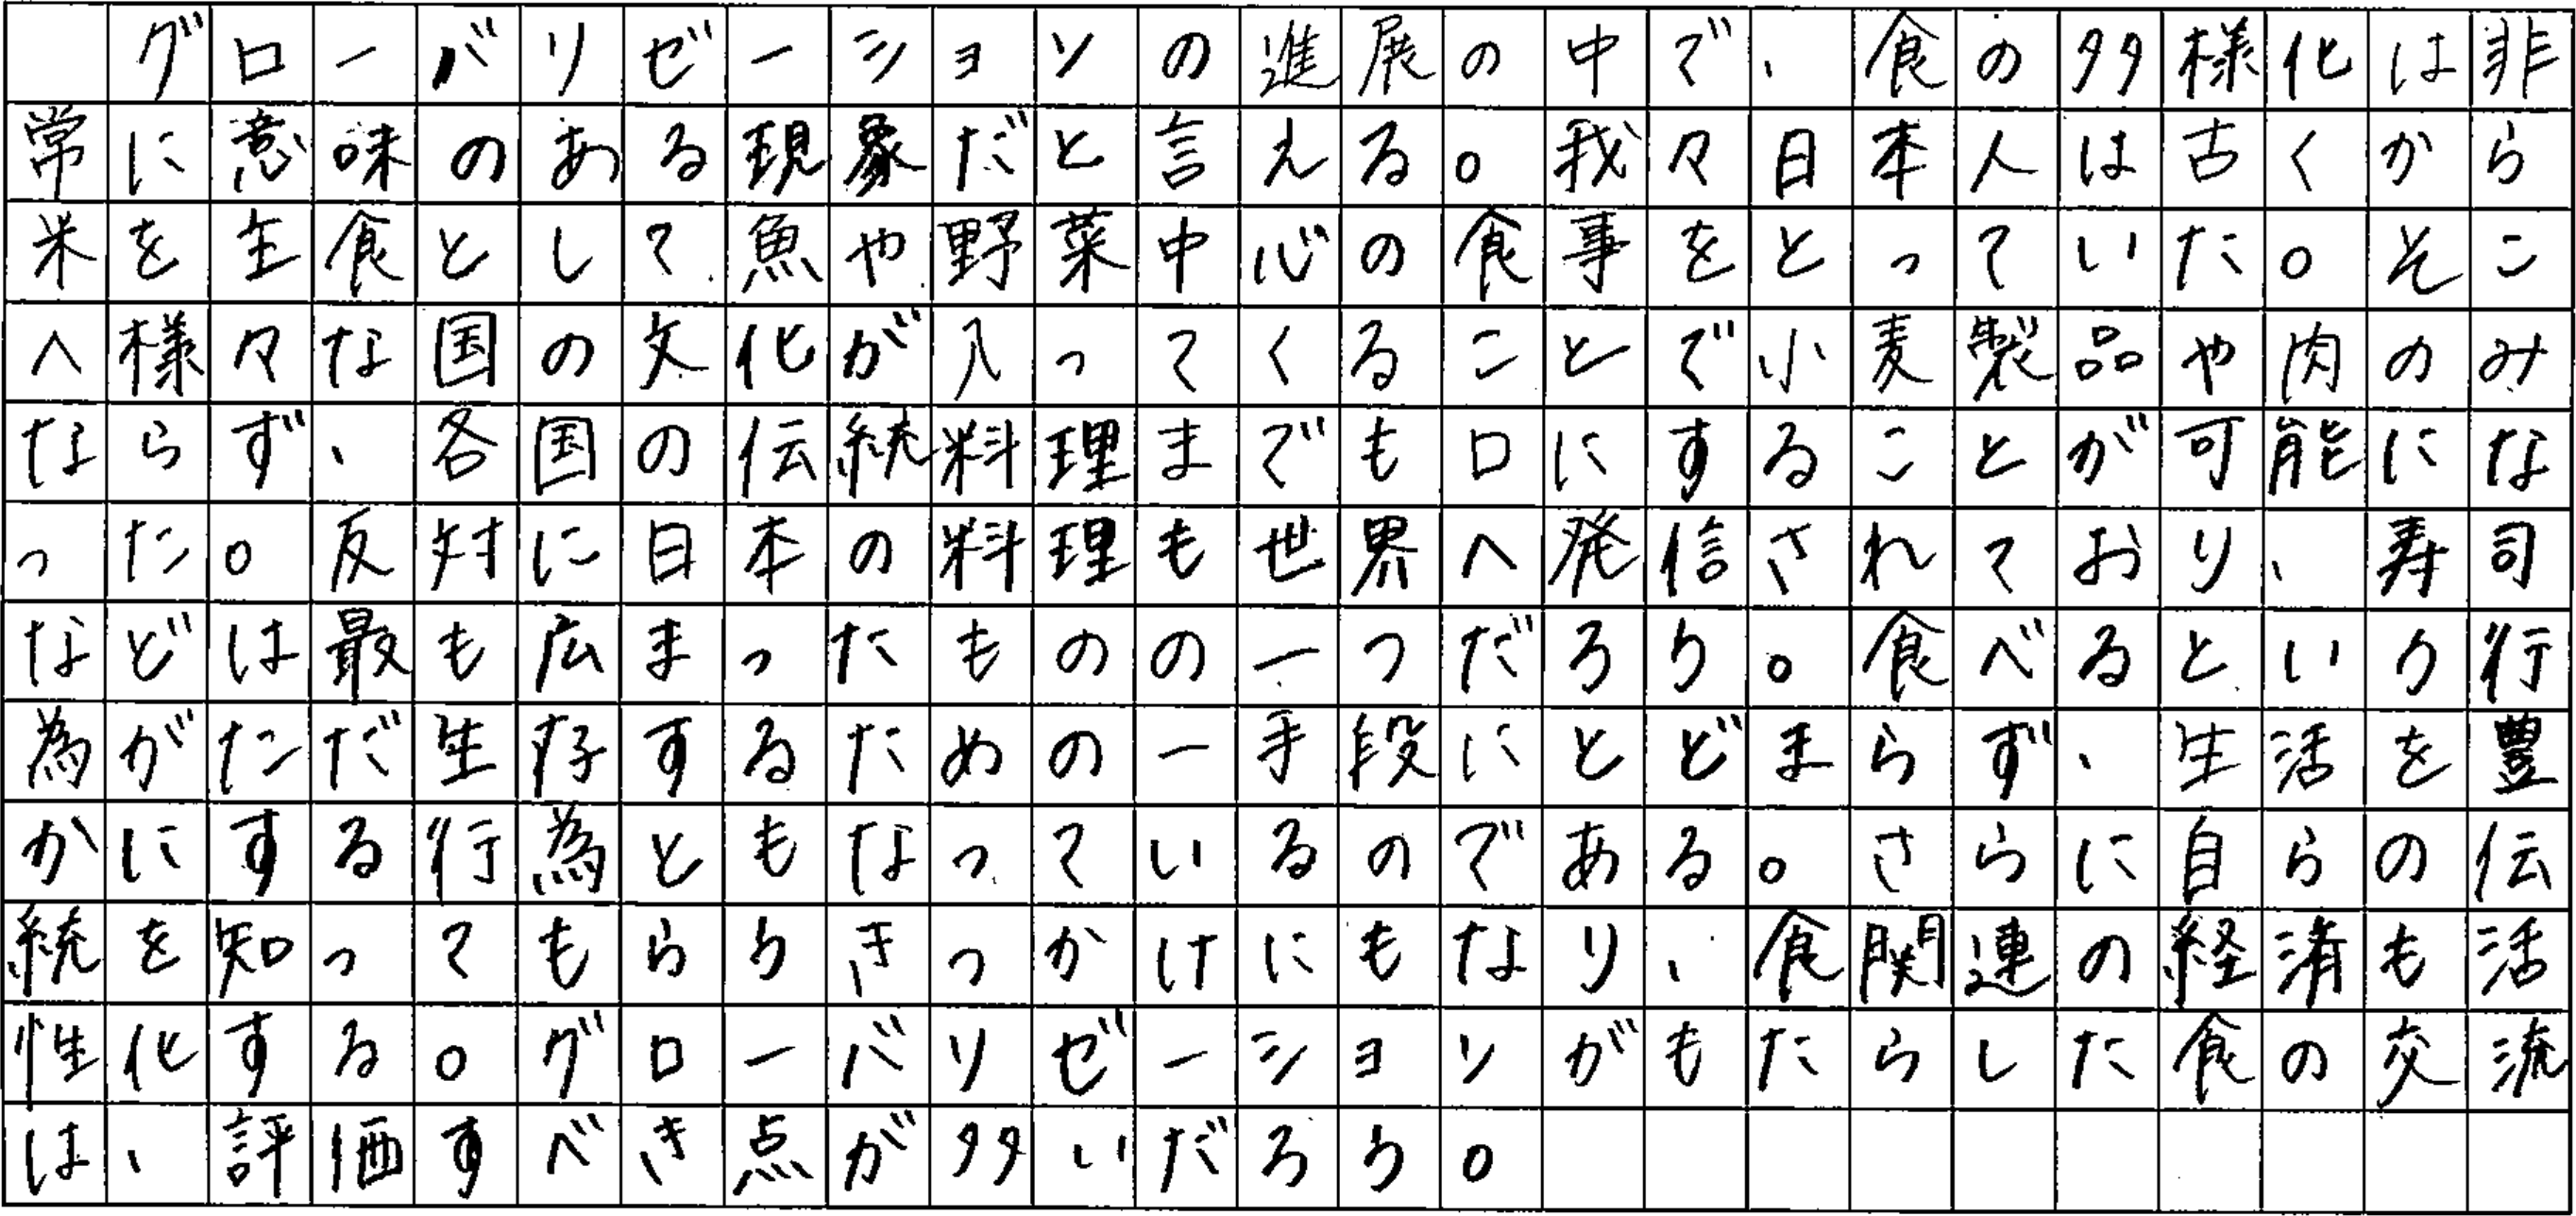　グローバリゼーションの進展の中で、食の多様化は非常に意味のある現象だと言える。我々日本人は古くから米を主食として魚や野菜中心の食事をとっていた。そこへ様々な国の文化が入ってくることで小麦製品や肉のみならず、各国の伝統料理までも口にすることが可能になった。反対に日本の料理も世界へ発信されており、寿司などは最も広まったものの一つだろう。食べるという行為がただ生存するための一手段にとどまらず、生活を豊かにする行為ともなっているのである。さらに自らの伝統を知ってもらうきっかけにもなり、食関連の経済も活性化する。グローバリゼーションがもたらした食の交流は、評価すべき点が多いだろう。
